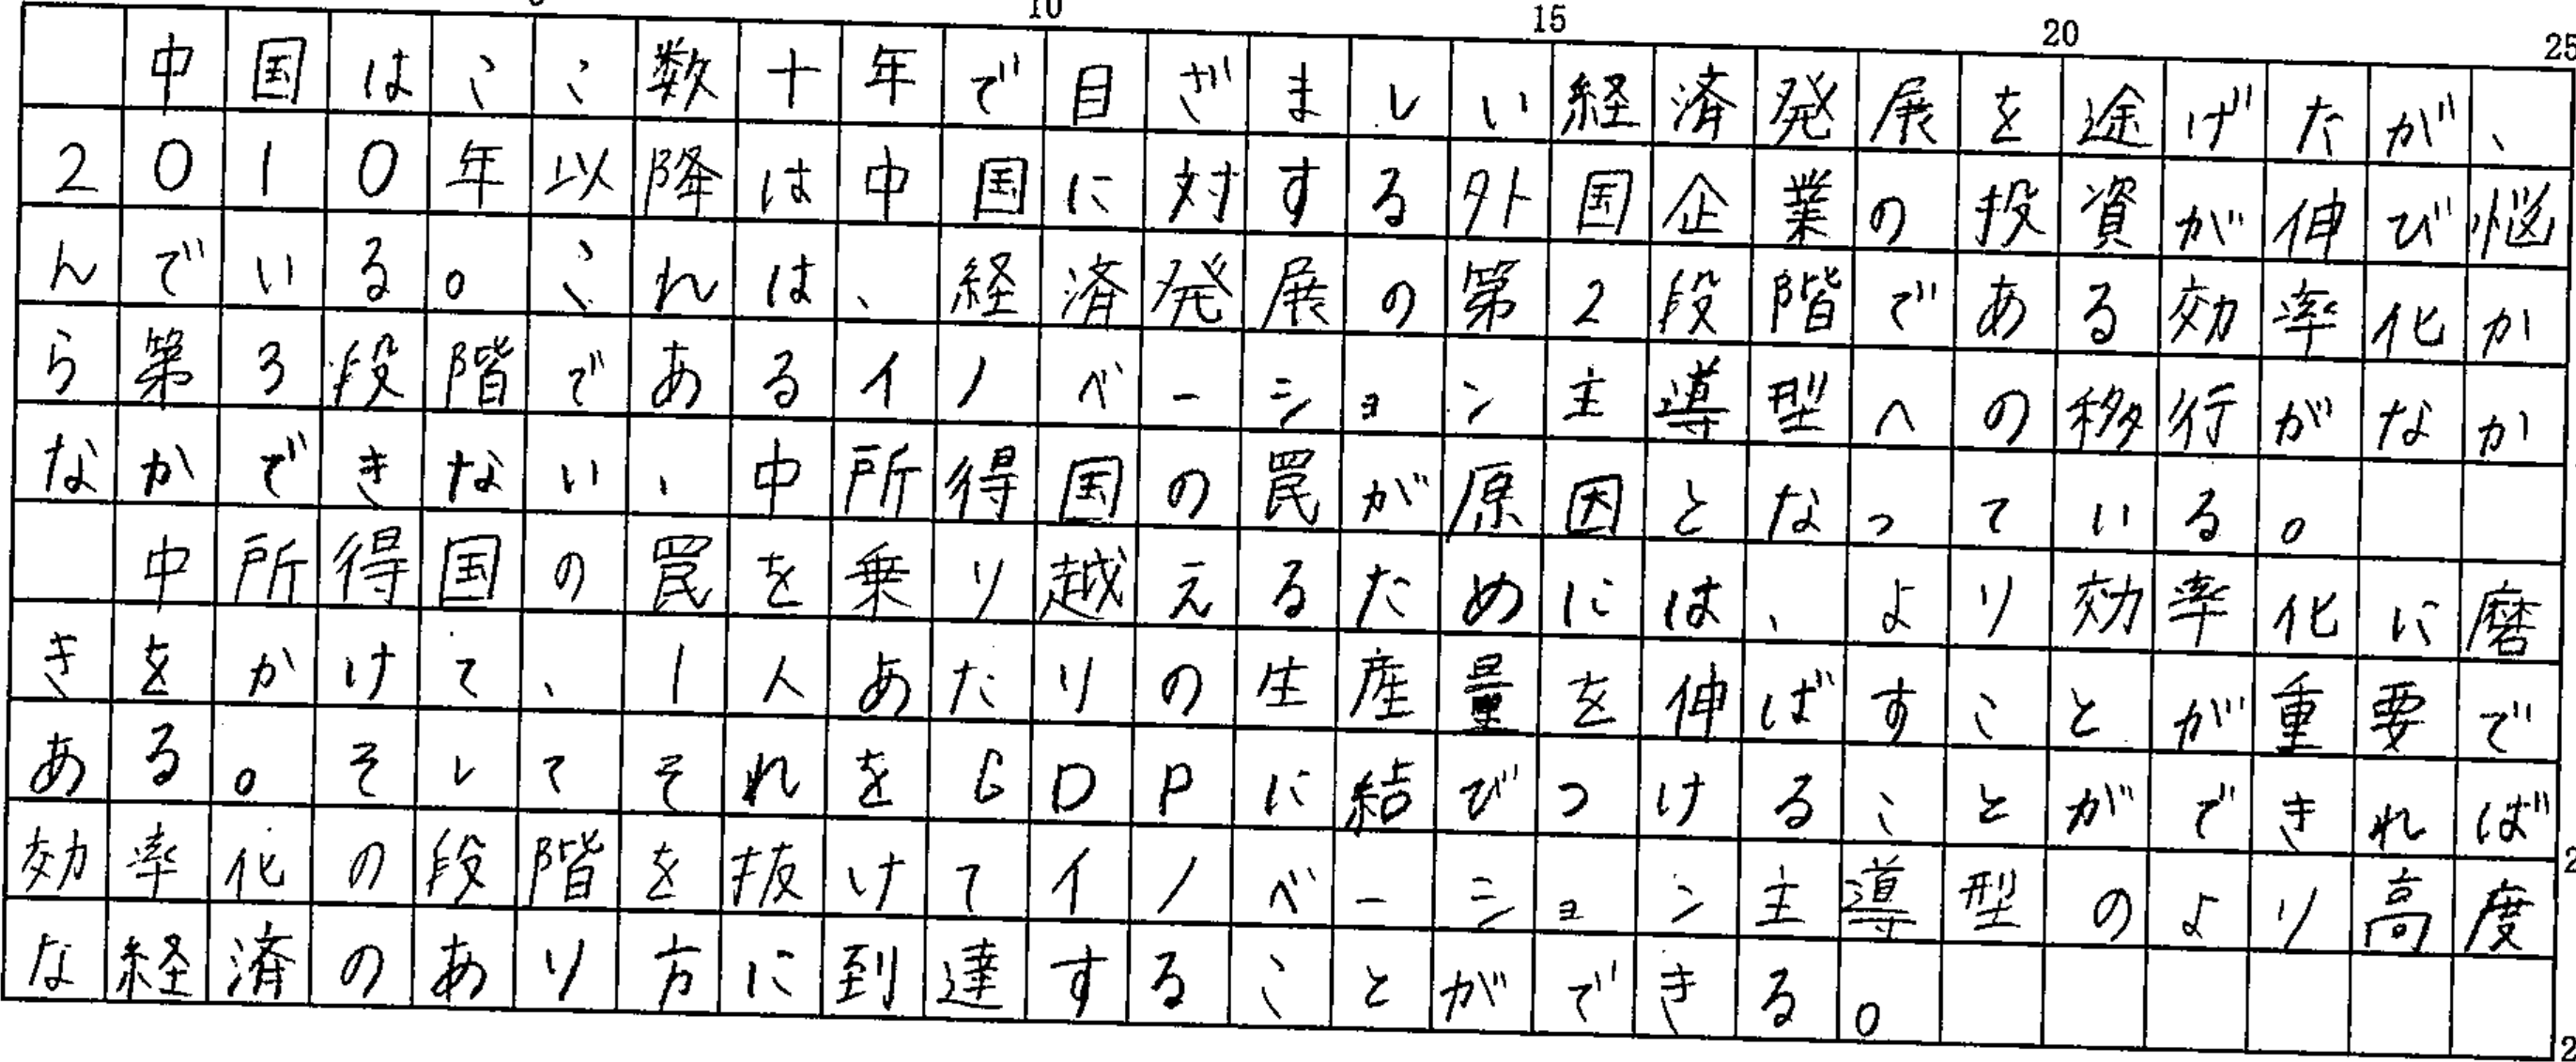　中国はここ数十年で目ざましい経済発展を途げたが、２０１０年以降は中国に対する外国企業の投資が伸び悩んでいる。これは、経済発展の第２段階である効率化から第３段階であるイノベーション主導型への移行がなかなかできない、中所得国の罠が原因となっている。
　中所得国の罠を乗り越えるためには、より効率化に磨きをかけて、１人あたりの生産量を伸ばすことが重要である。そしてそれをＧＤＰに結びつけることができれば効率化の段階を抜けてイノベーション主導型のより高度な経済のあり方に到達することができる。
